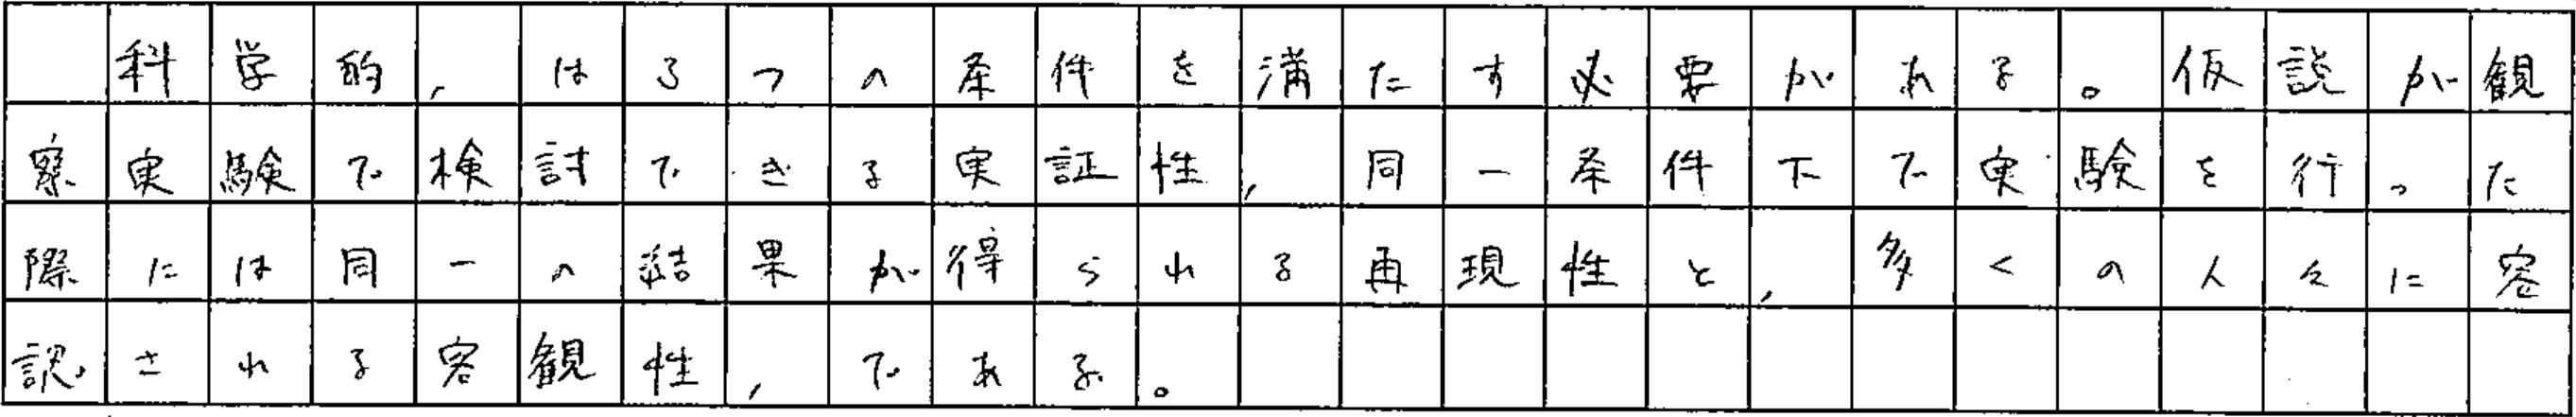　科学的、は３つの条件を満たす必要がある。仮説が観察実験で検討できる実証性、同一条件下で実験を行った際には同一の結果が得られる再現性と、多くの人々に容認される客観性、である。
